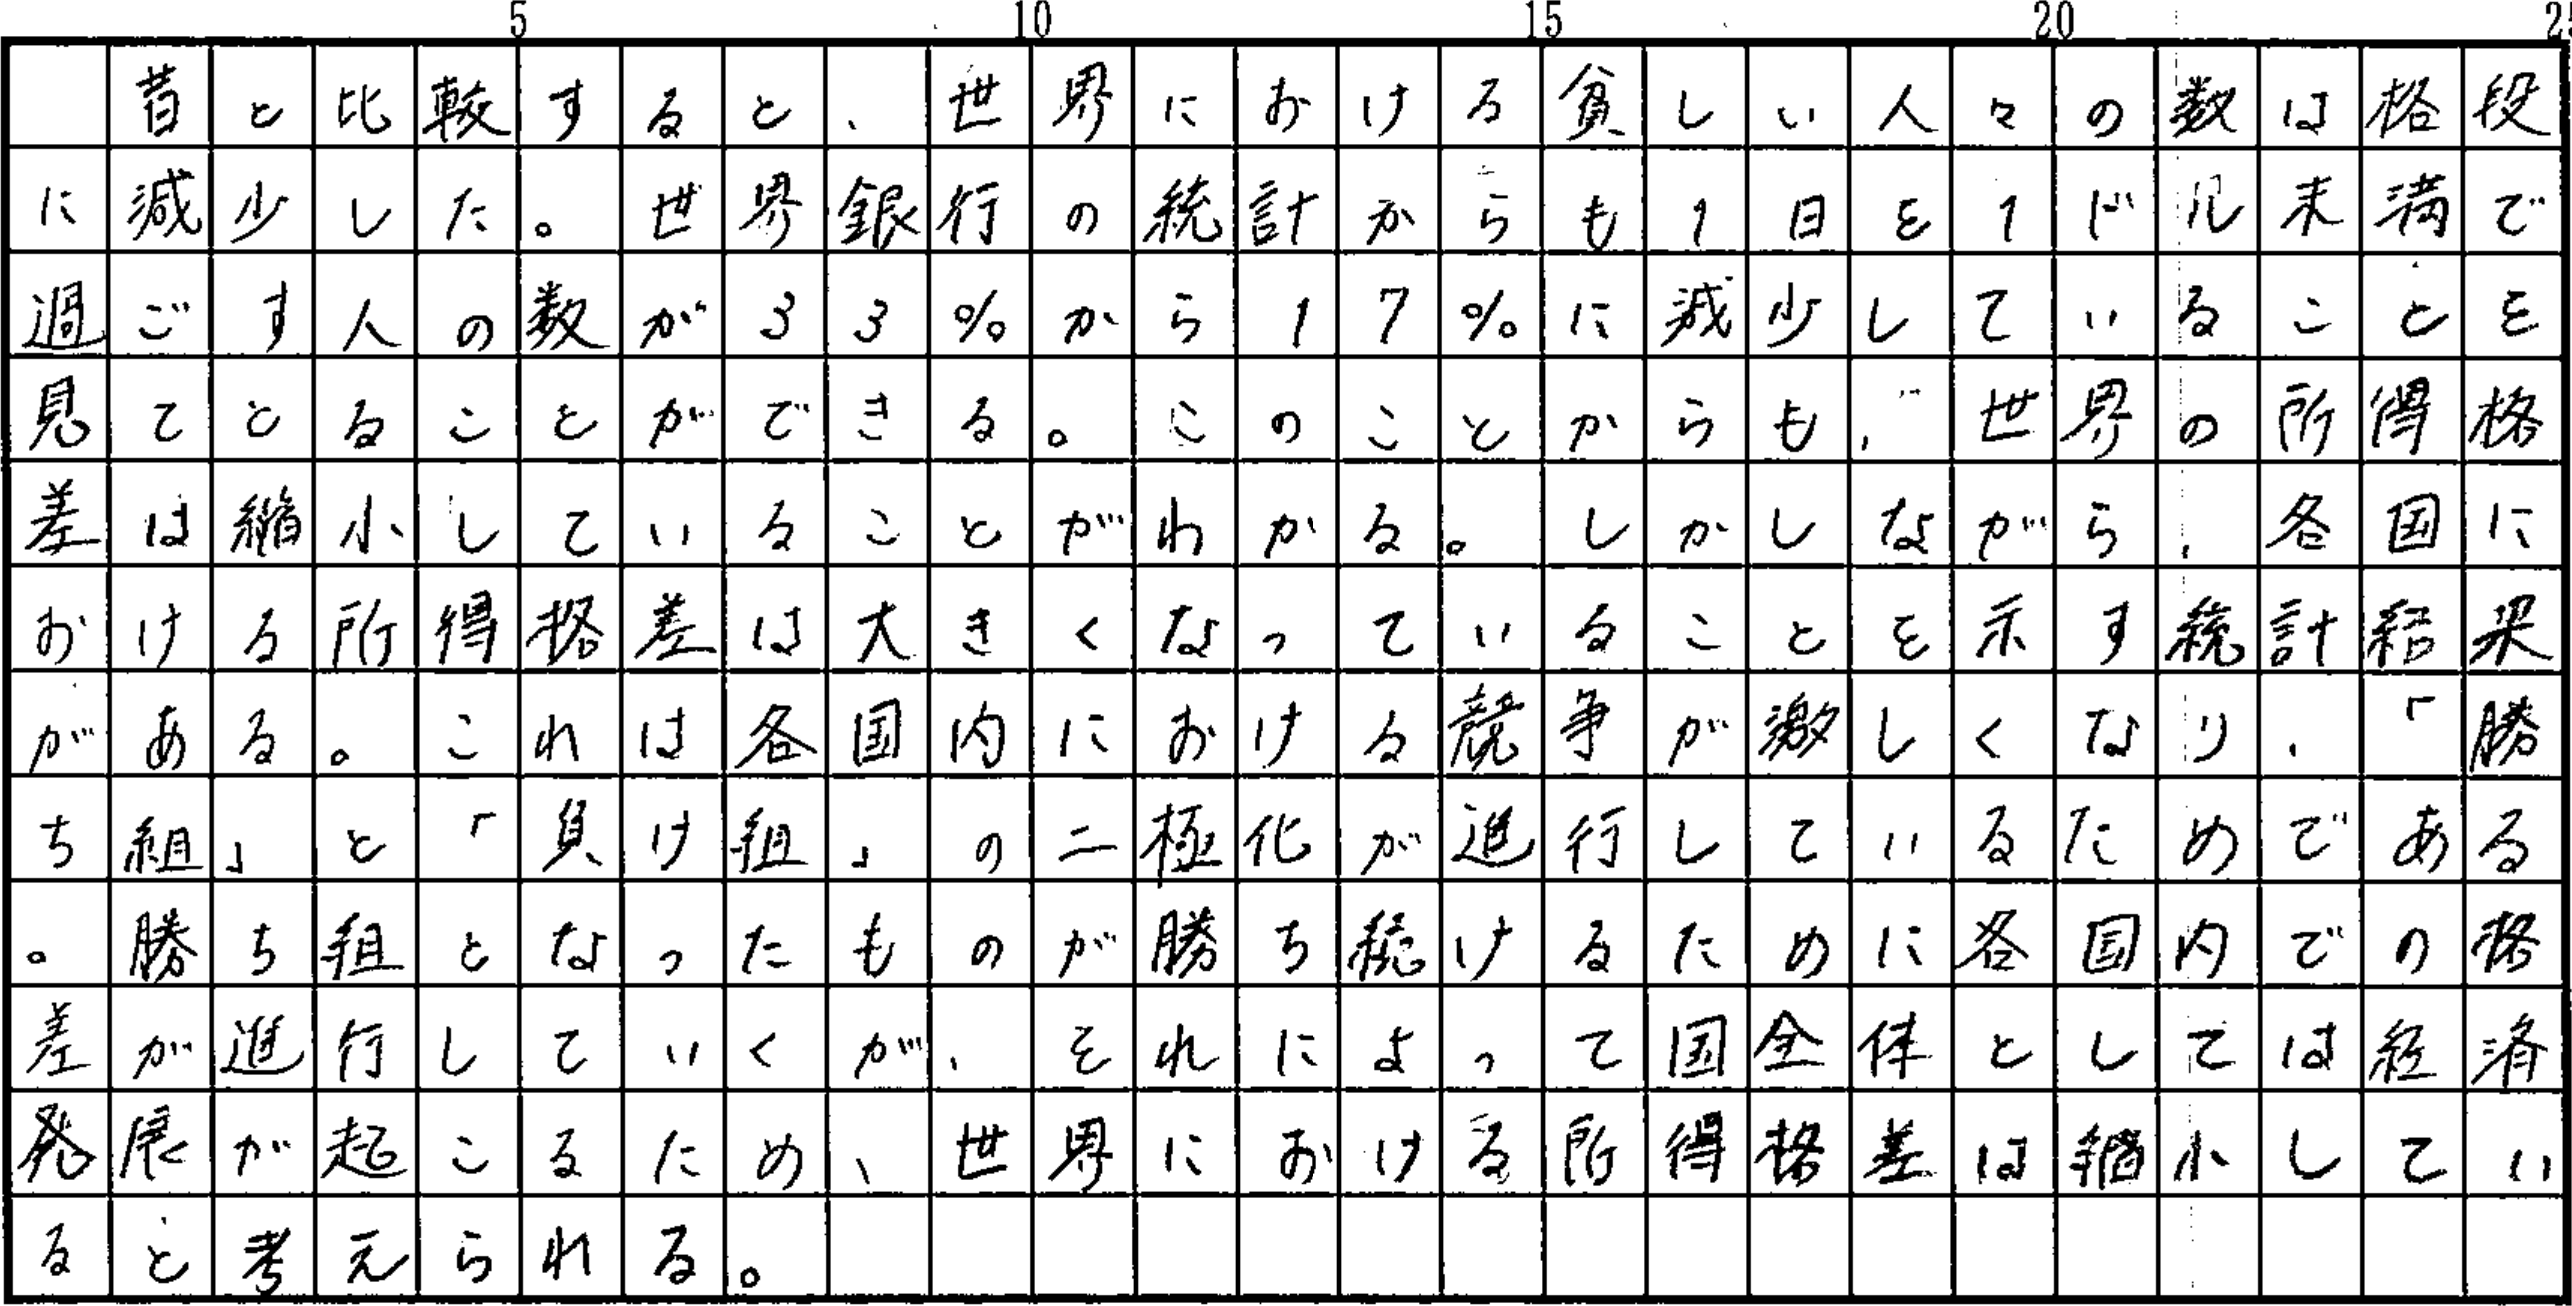　昔と比較すると、世界における貧しい人々の数は格段に減少した。世界銀行の統計からも１日を１ドル末満で過ごす人の数が３３％から１７％に減少していることを見てとることができる。このことからも、世界の所得格差は縮小していることがわかる。しかしながら、各国における所得格差は大きくなっていることを示す統計結果がある。これは各国内における競争が激しくなり、「勝ち組」と「負け組」の二極化が進行しているためである。勝ち組となったものが勝ち続けるために各国内での格差が進行していくが、それによって国全体としては経済発展が起こるため、世界における所得格差は縮小していると考えられる。
